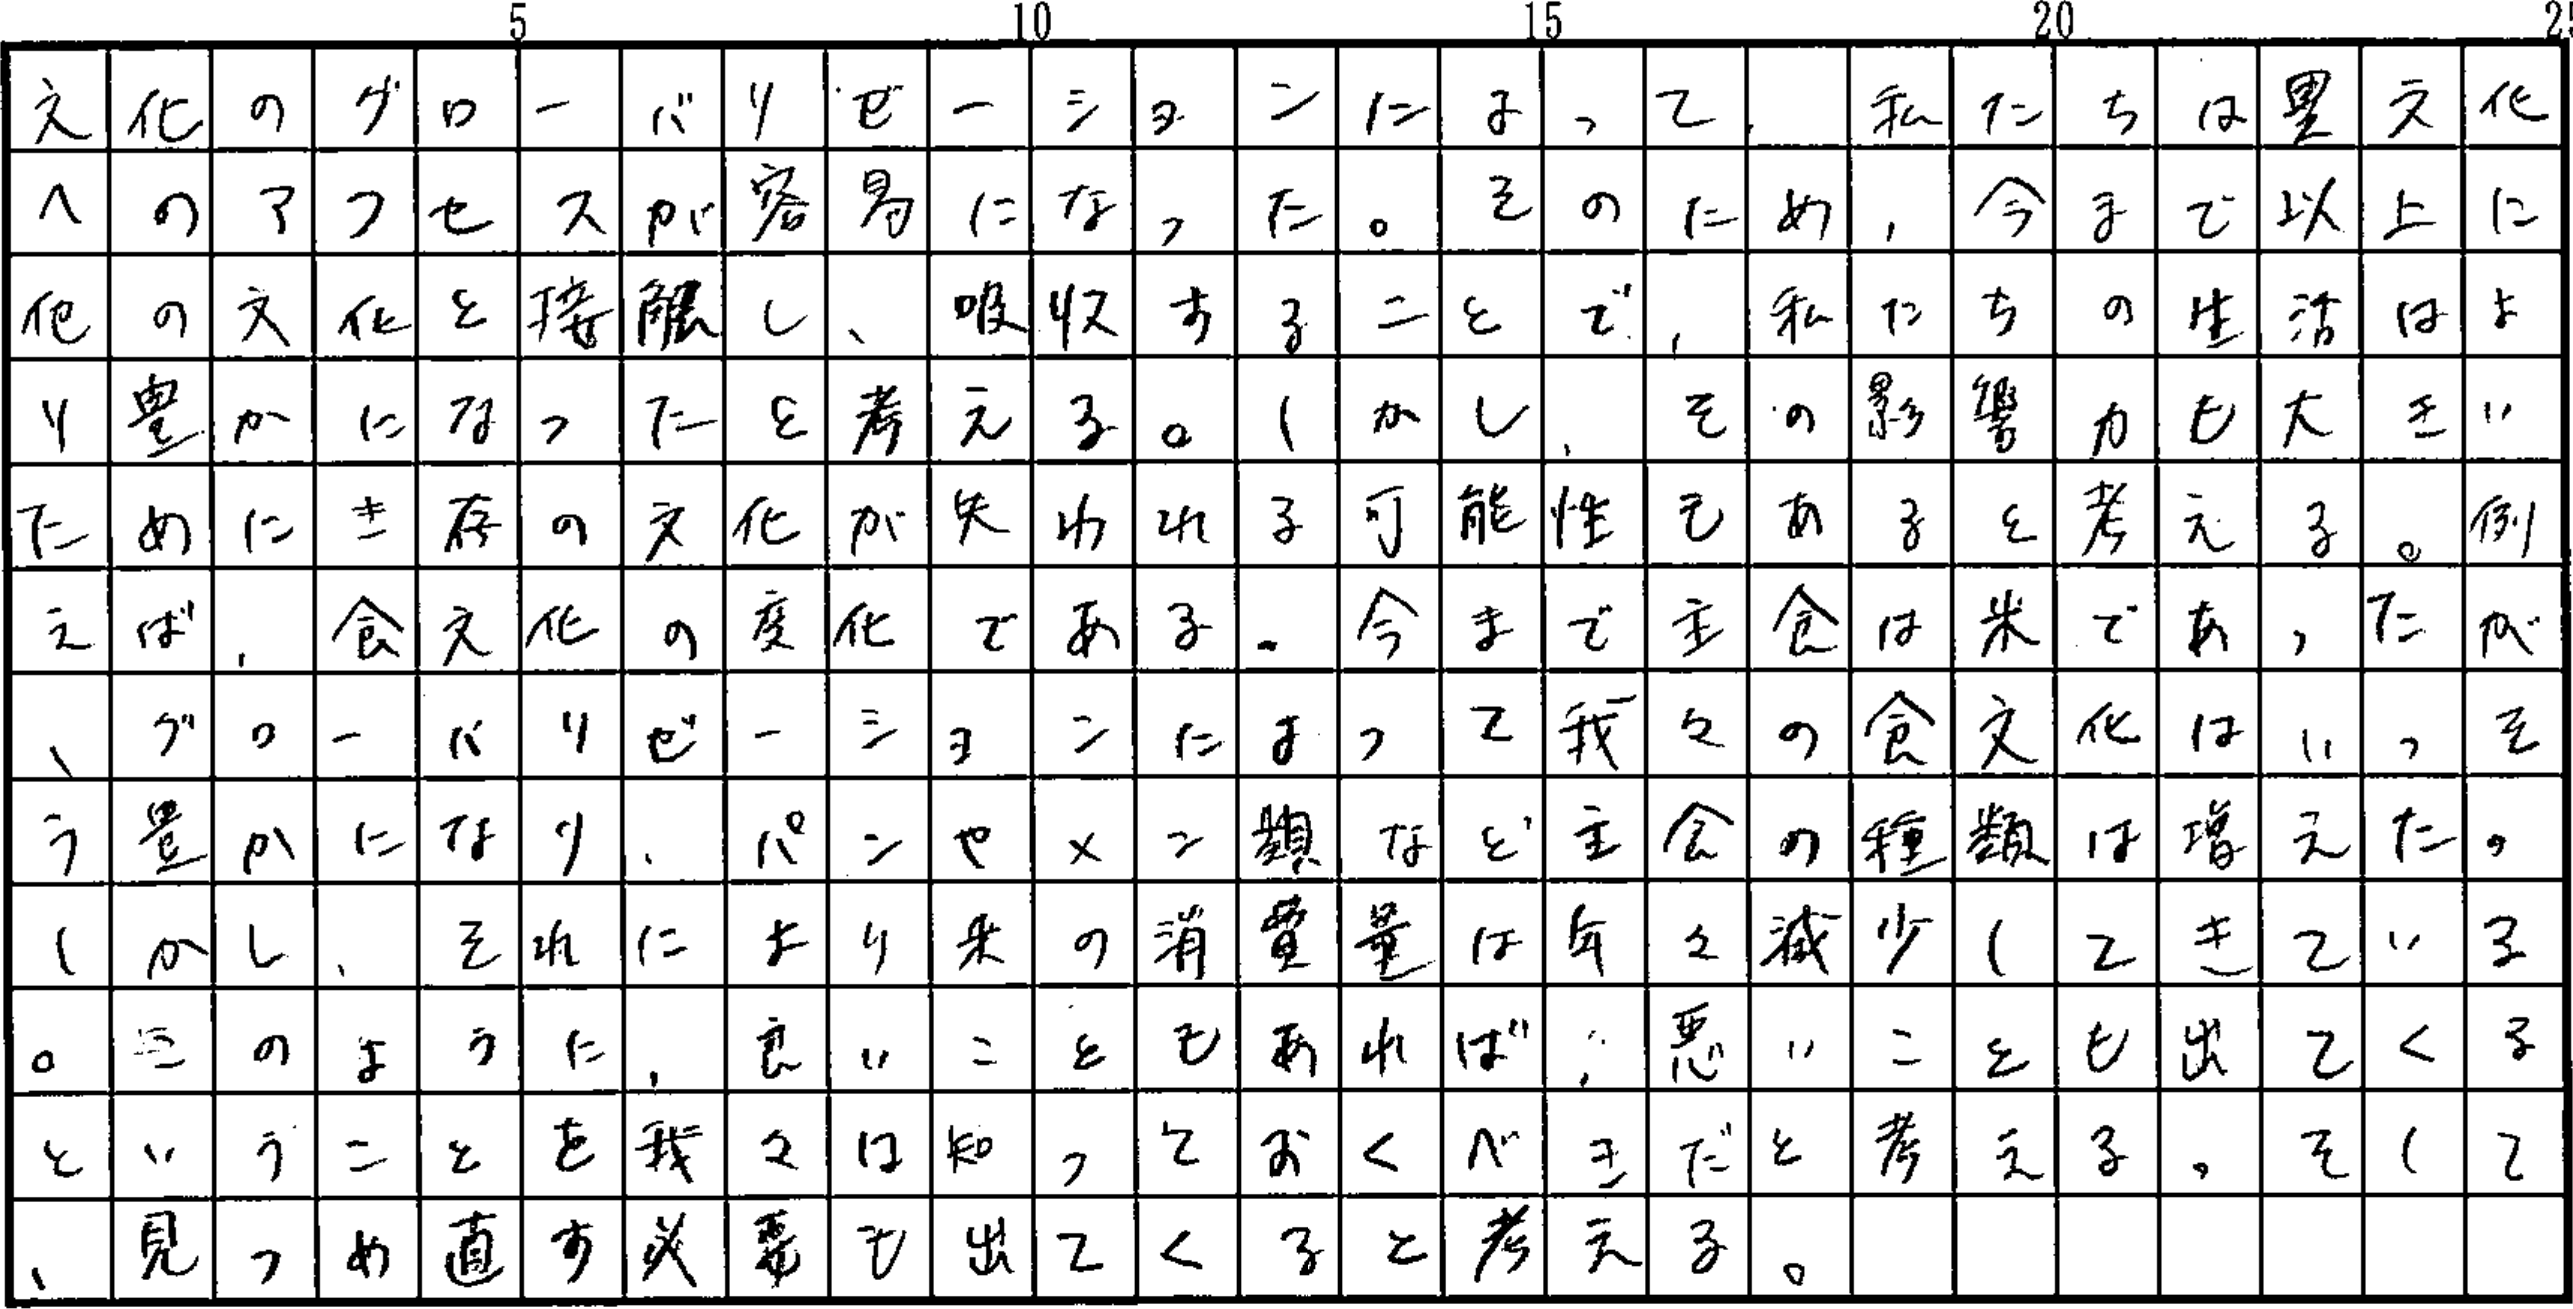文化のグローバリゼーションによって、私たちは異文化へのアクセスが容易になった。そのため、今まで以上に他の文化と接触し、吸収することで、私たちの生活はより豊かになったと考える。しかし、その影響力も大きいためにき存の文化が失われる可能性もあると考える。例えば、食文化の変化である。今まで主食は米であったが、グローバリゼーションによって我々の食文化はいっそう豊かになり、パンやメン類など主食の種類は増えた。しかし、それにより米の消費量は年々減少してきている。このように、良いこともあれば、悪いことも出てくるということを我々は知っておくべきだと考える。そして、見つめ直す必要も出てくると考える。
